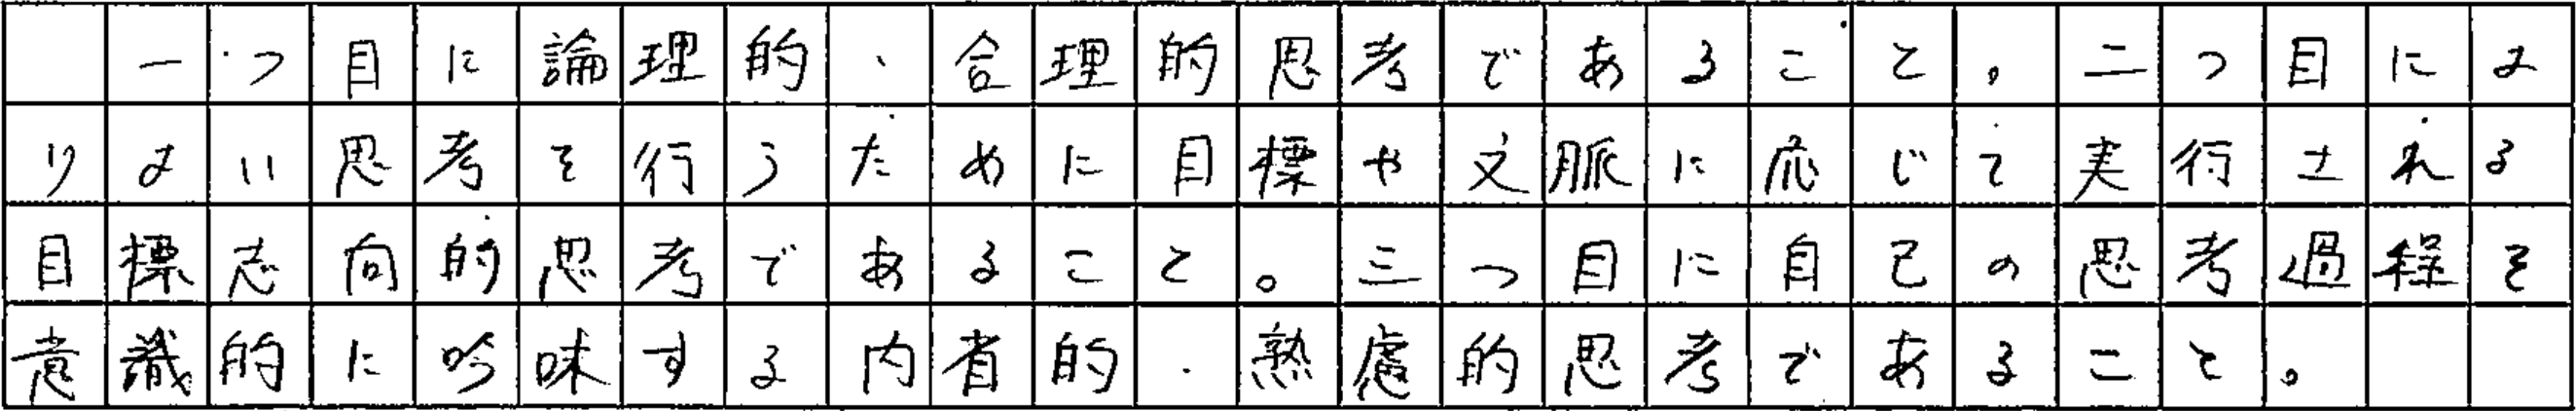　一つ目に論理的・合理的思考であること。二つ目によりよい思考を行うために目標や文脈に応じて実行される目標志向的思考であること。三つ目に自己の思考過程を意識的に吟味する内省的・熟慮的思考であること。
